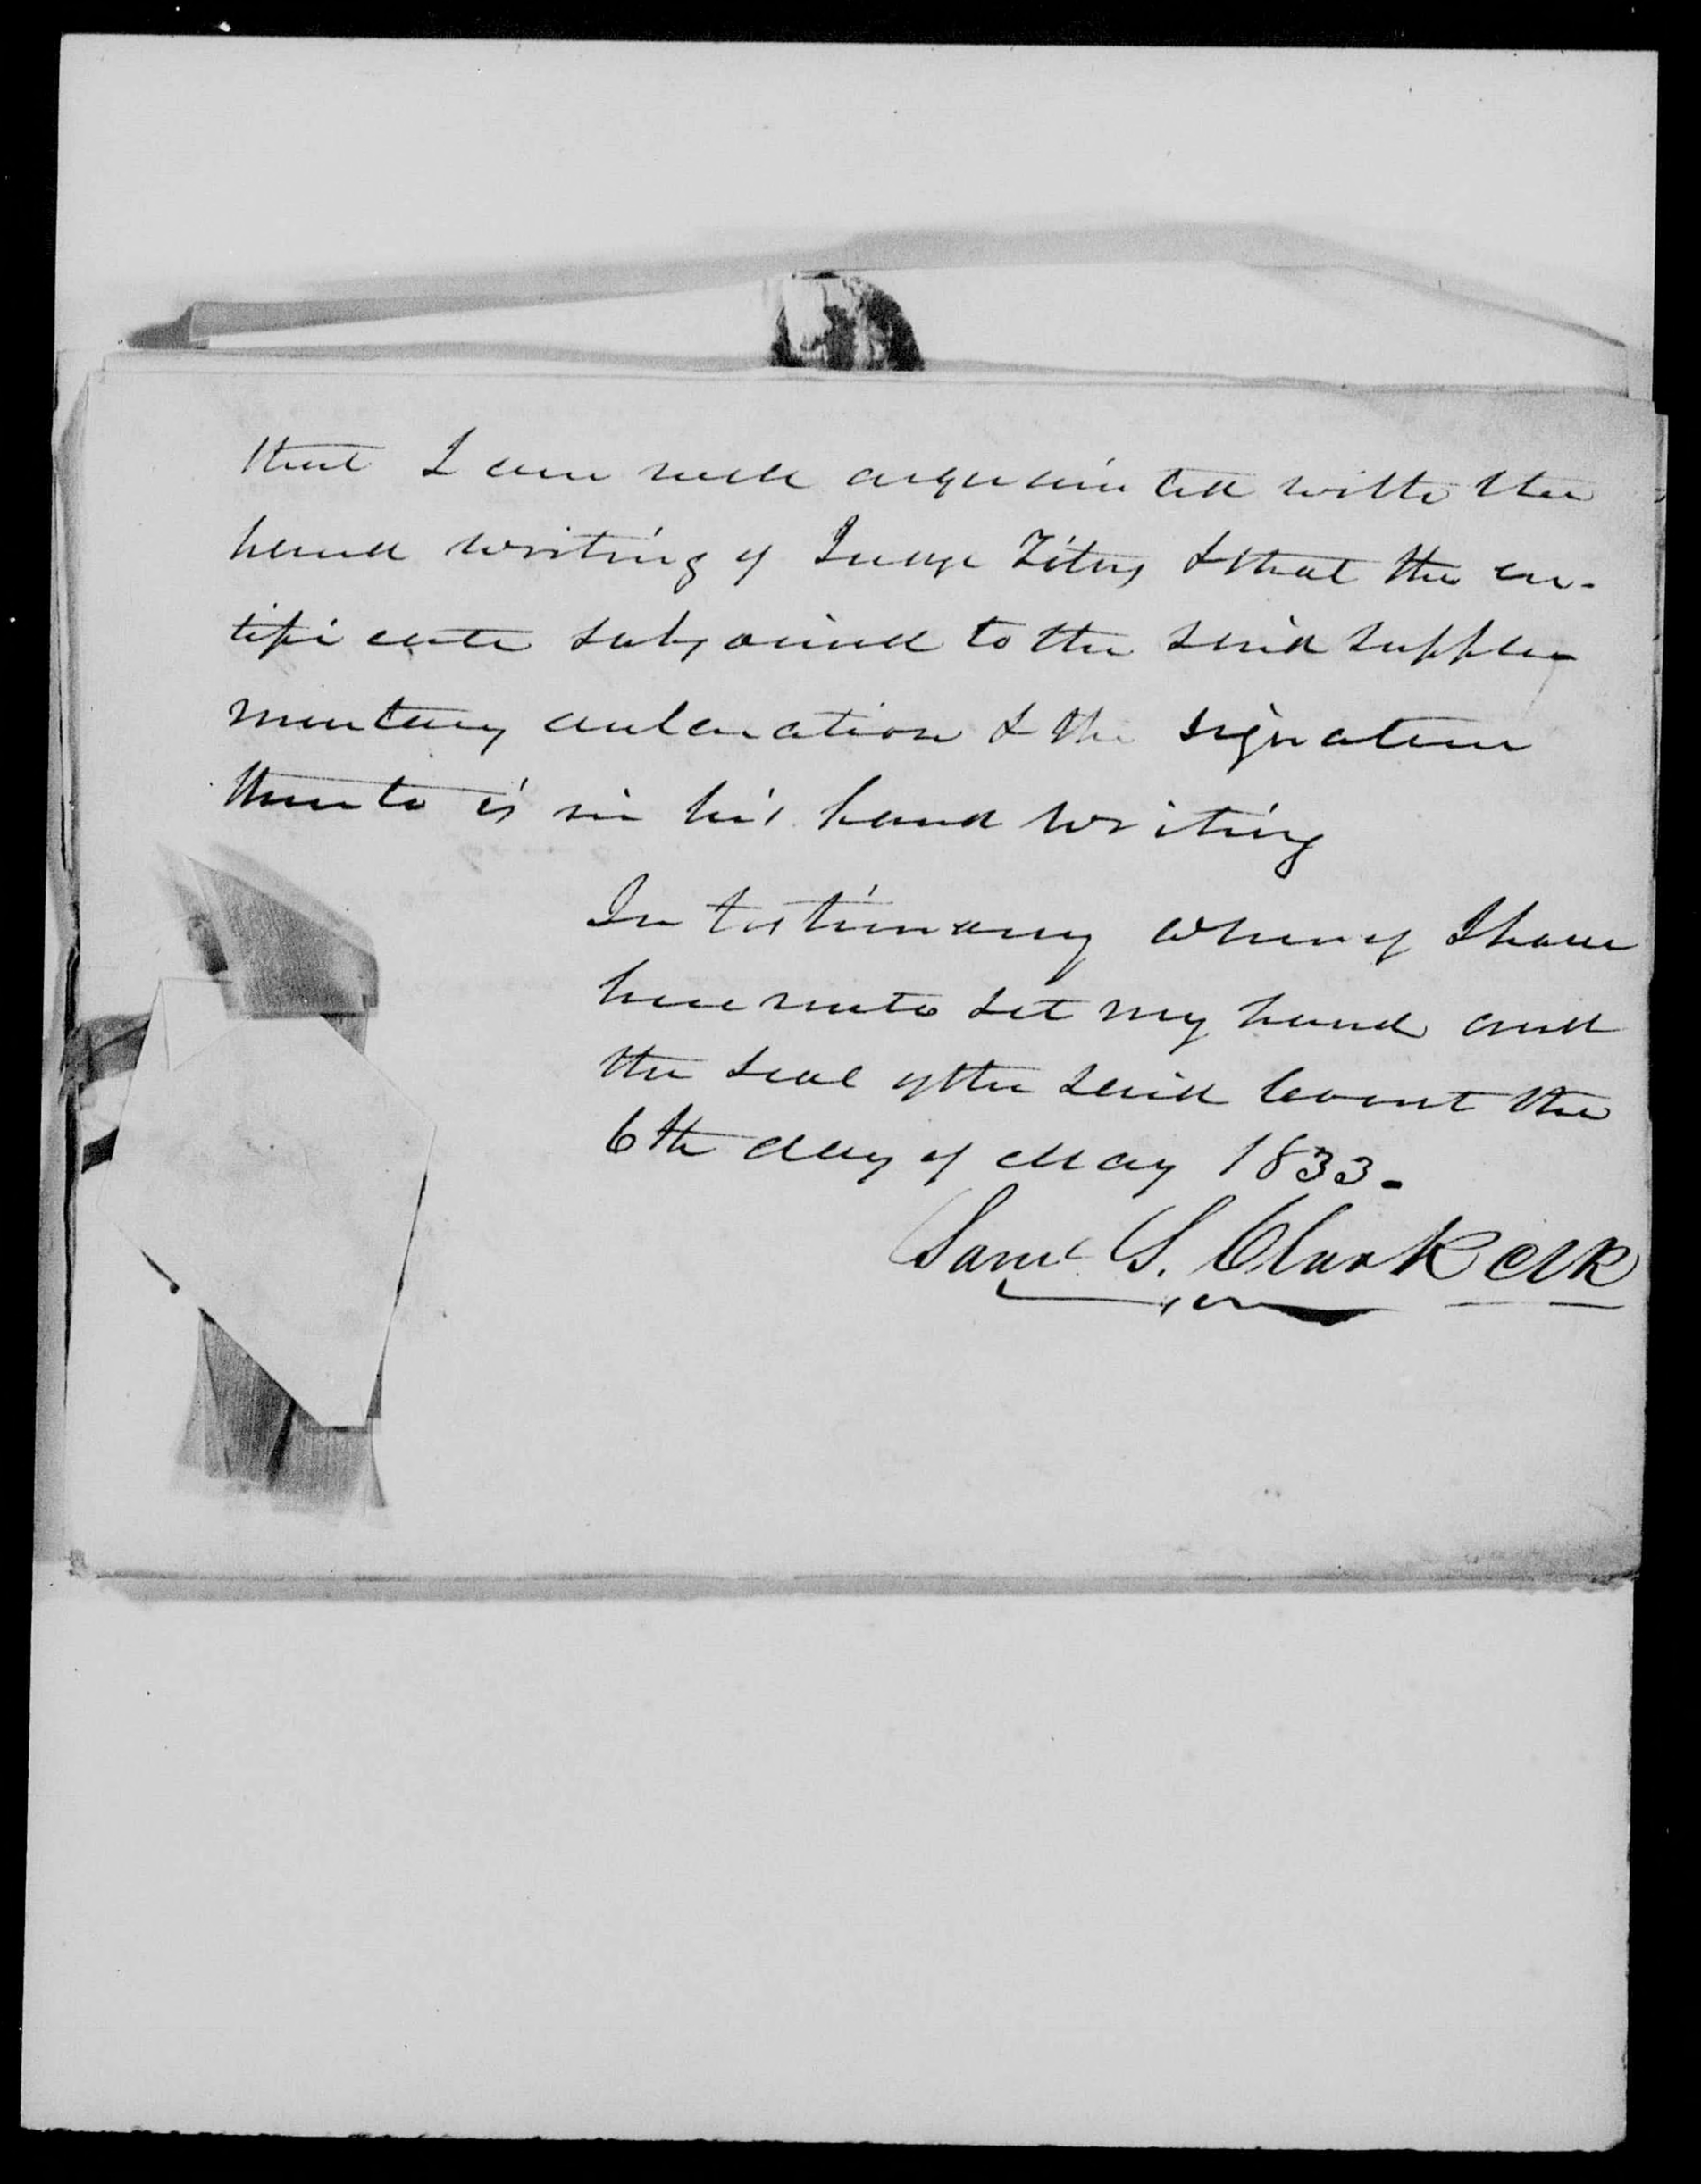that I am well acquainted with the hand writing of Judge Titus & that the certificate subjoined to the said supplementary declaration & the signature
thereto is in his hand writing 
In testimony whereof I have hereunto set my hand and the seal of the said Court this 6th day of May 1833
Saml S. Clark Clk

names: Judge Titus, Saml S Clark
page: 10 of 40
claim: rejected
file: R. 1558, Jonathan Butterfield, Mass. Vt.